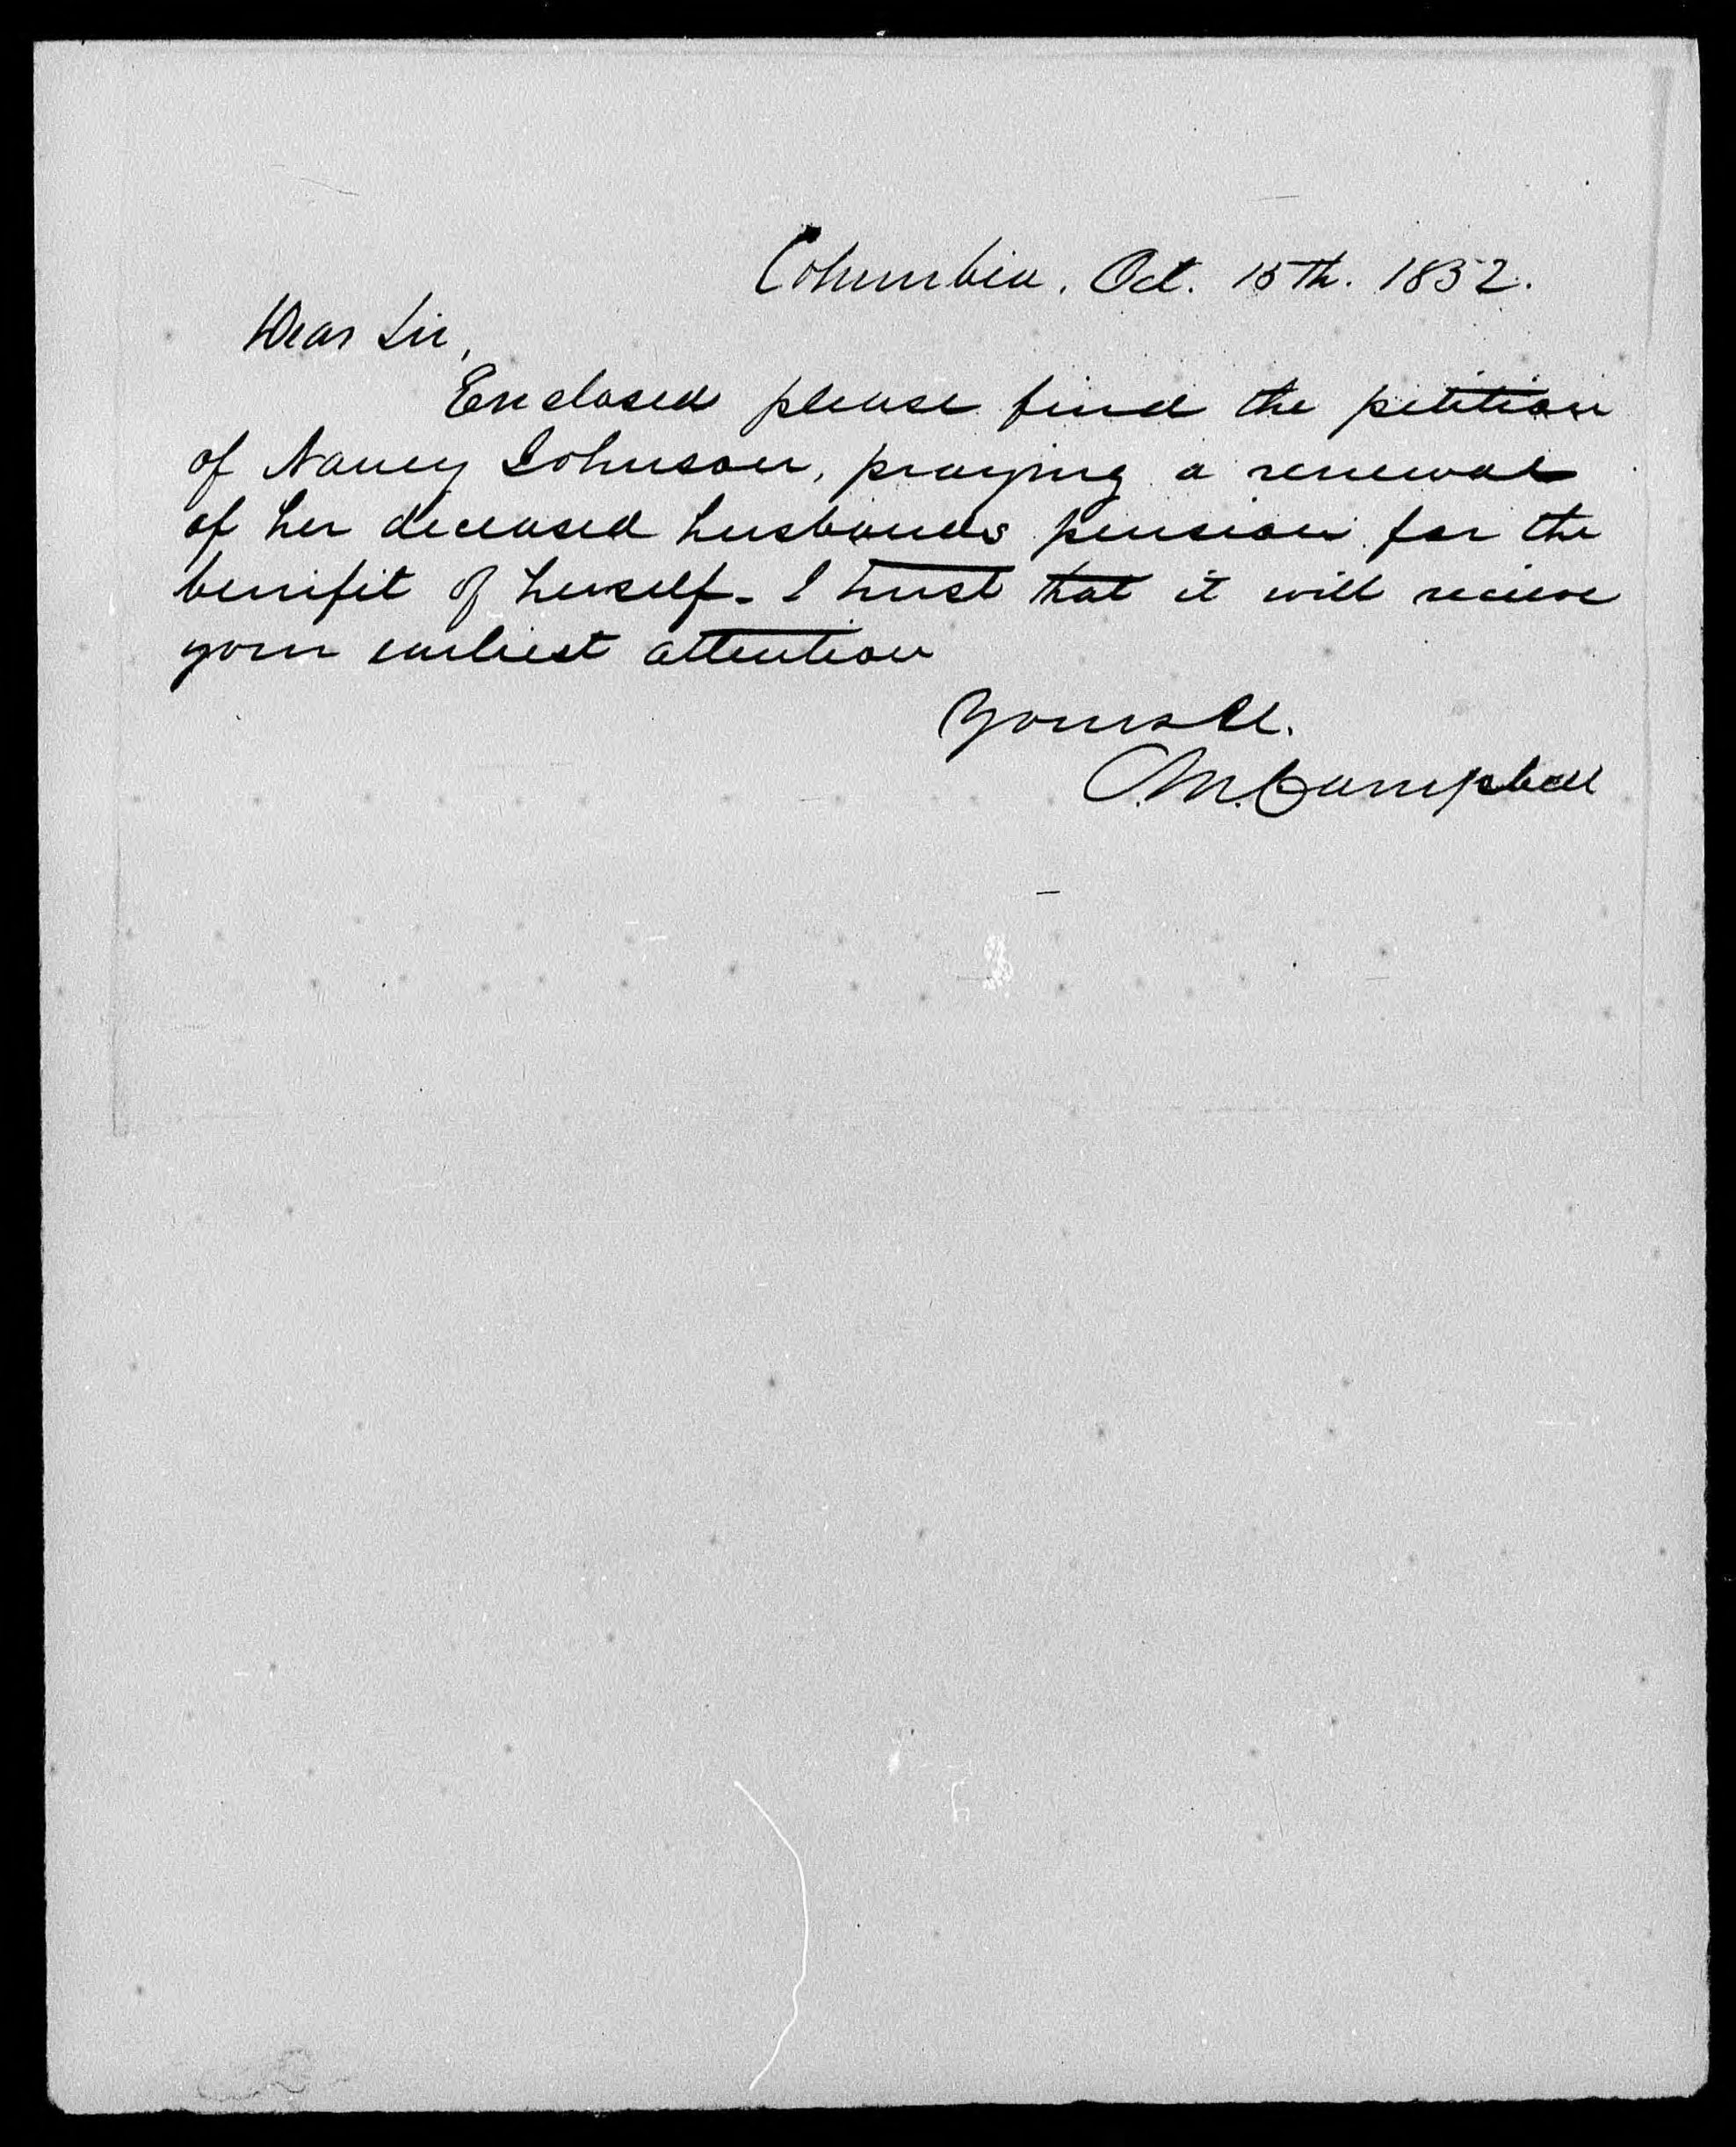Columbia, Oct. 15th 1832.
Dear Sir,
     Enclosed please find the petition of Nancy Johnson, praying a renewal of her deceased husbands pension for the benefit of herself.  I trust that it will receive your earliest attention.
                   Yours
                         M. Campbell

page: 18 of 27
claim: rejected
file: R. 5649, for Abner Johnson, North Carolina